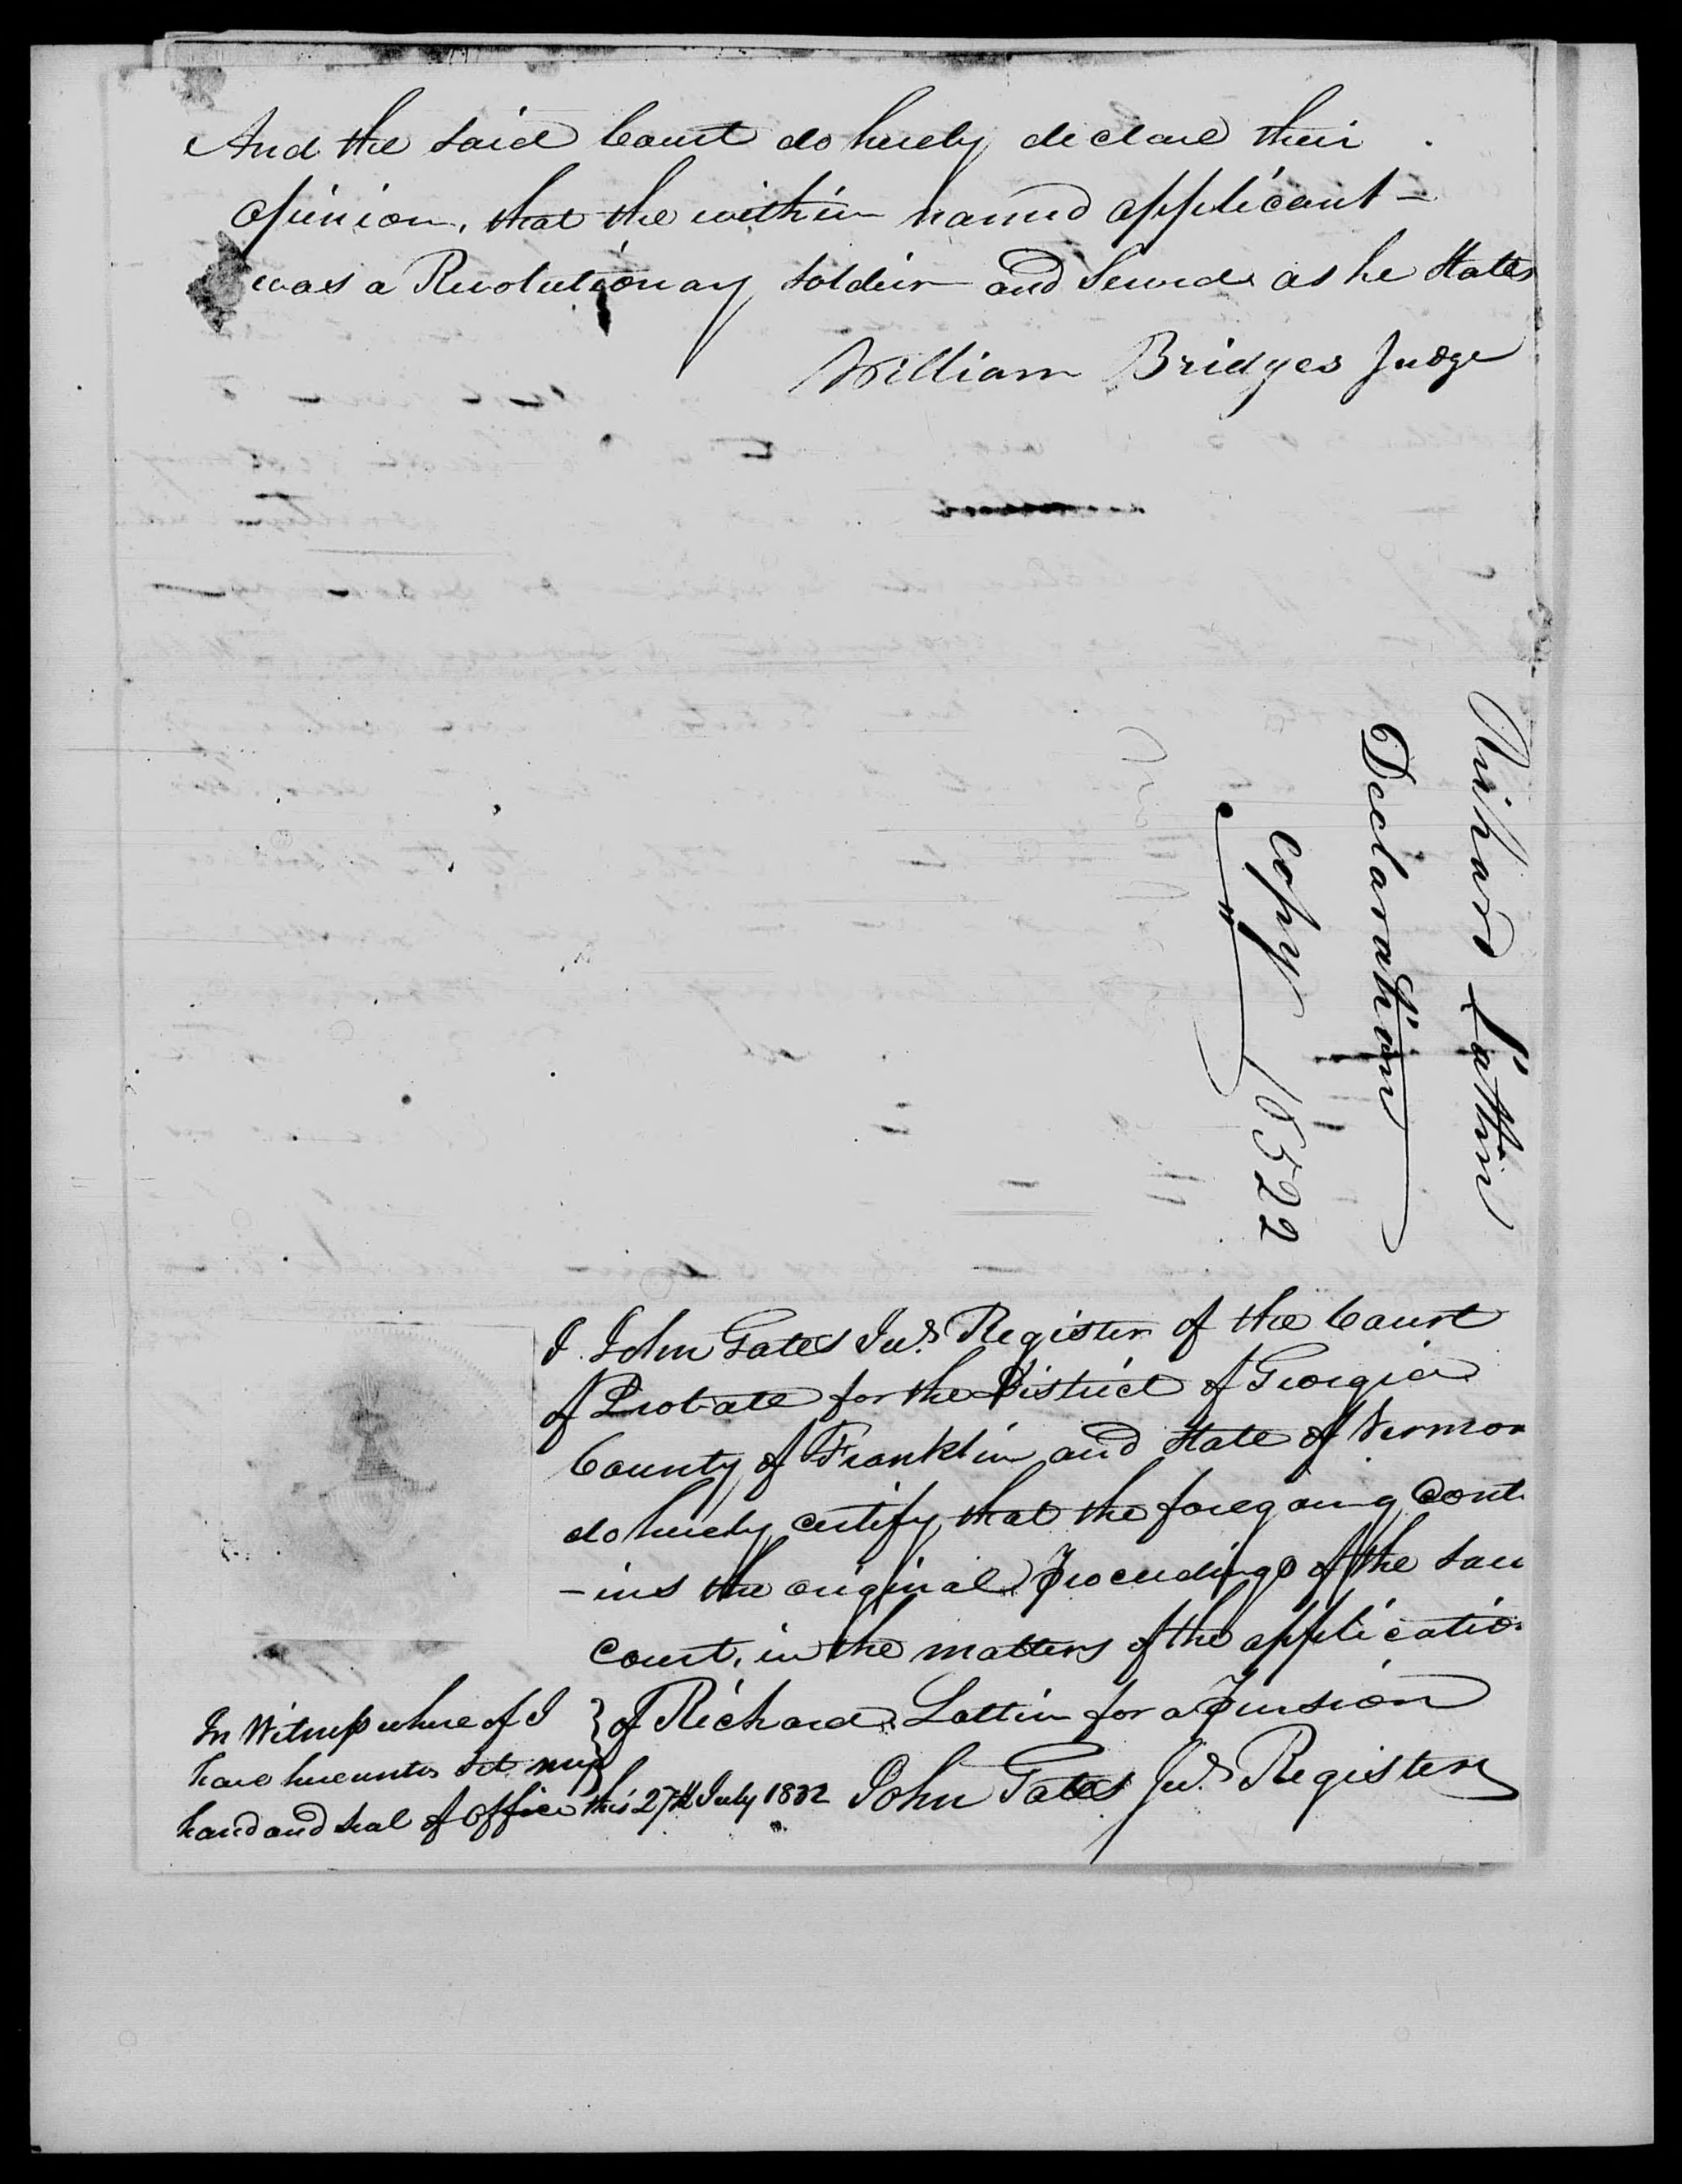Richard Lattin
Declaration
Copy 16522

And the said Court do hereby declare their
opinion, that the within named applicant
was a Revolutionary soldier and served as he states
William Bridges Judge

I, John Gates Jr Register of the Court
of Probate for the District of Georgia
County of Franklin and State of Vermont
do hereby certify that the foregoing contains
 the original proceedings of the said
Court in the matter of the application of
 Richard Lattin for a pension.
In Witness whereof have hereunto set my
hand and seal of office this 27 July 1862.
 John Gates Jr. Register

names: John Gates; Richard Lattin; William Bridges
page: 7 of 99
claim: widow's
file: W. 24,482, for Richard Lattin, Vermont